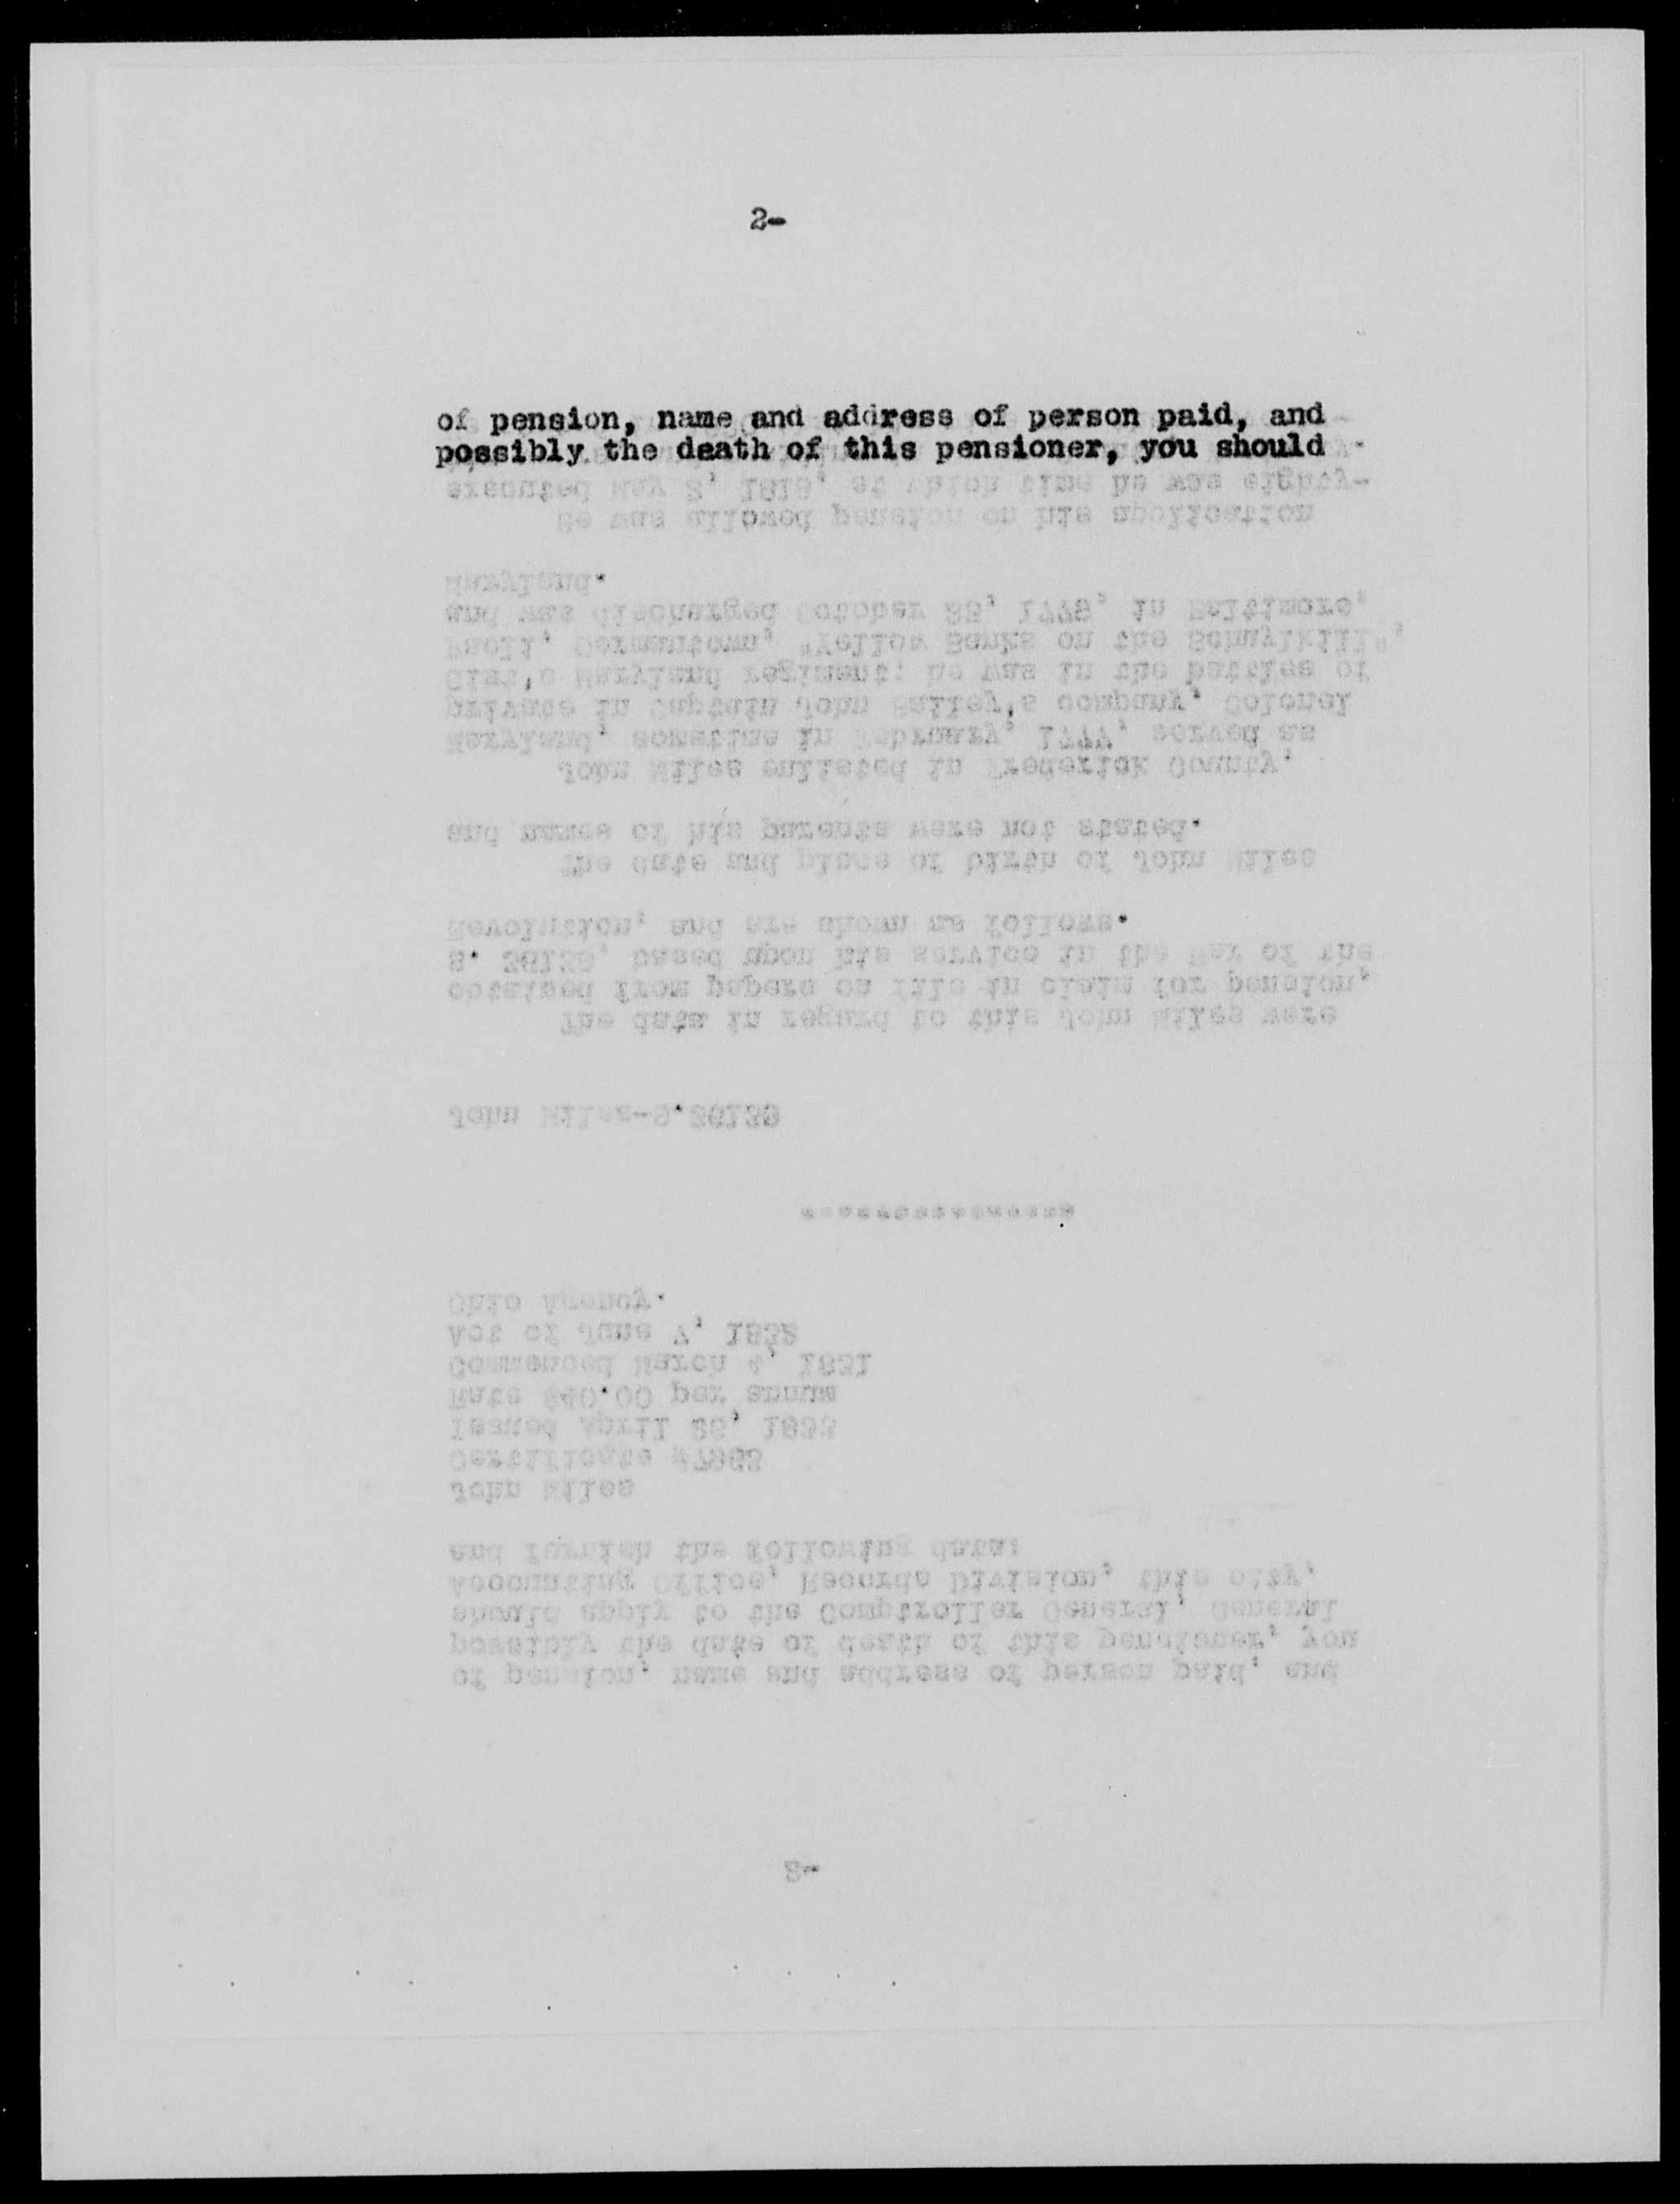2-
of pension, name and address of person paid, and possibly the death of this pensioner, you should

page: 13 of 24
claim: survivor's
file: S 36138, for John Miles, Maryland